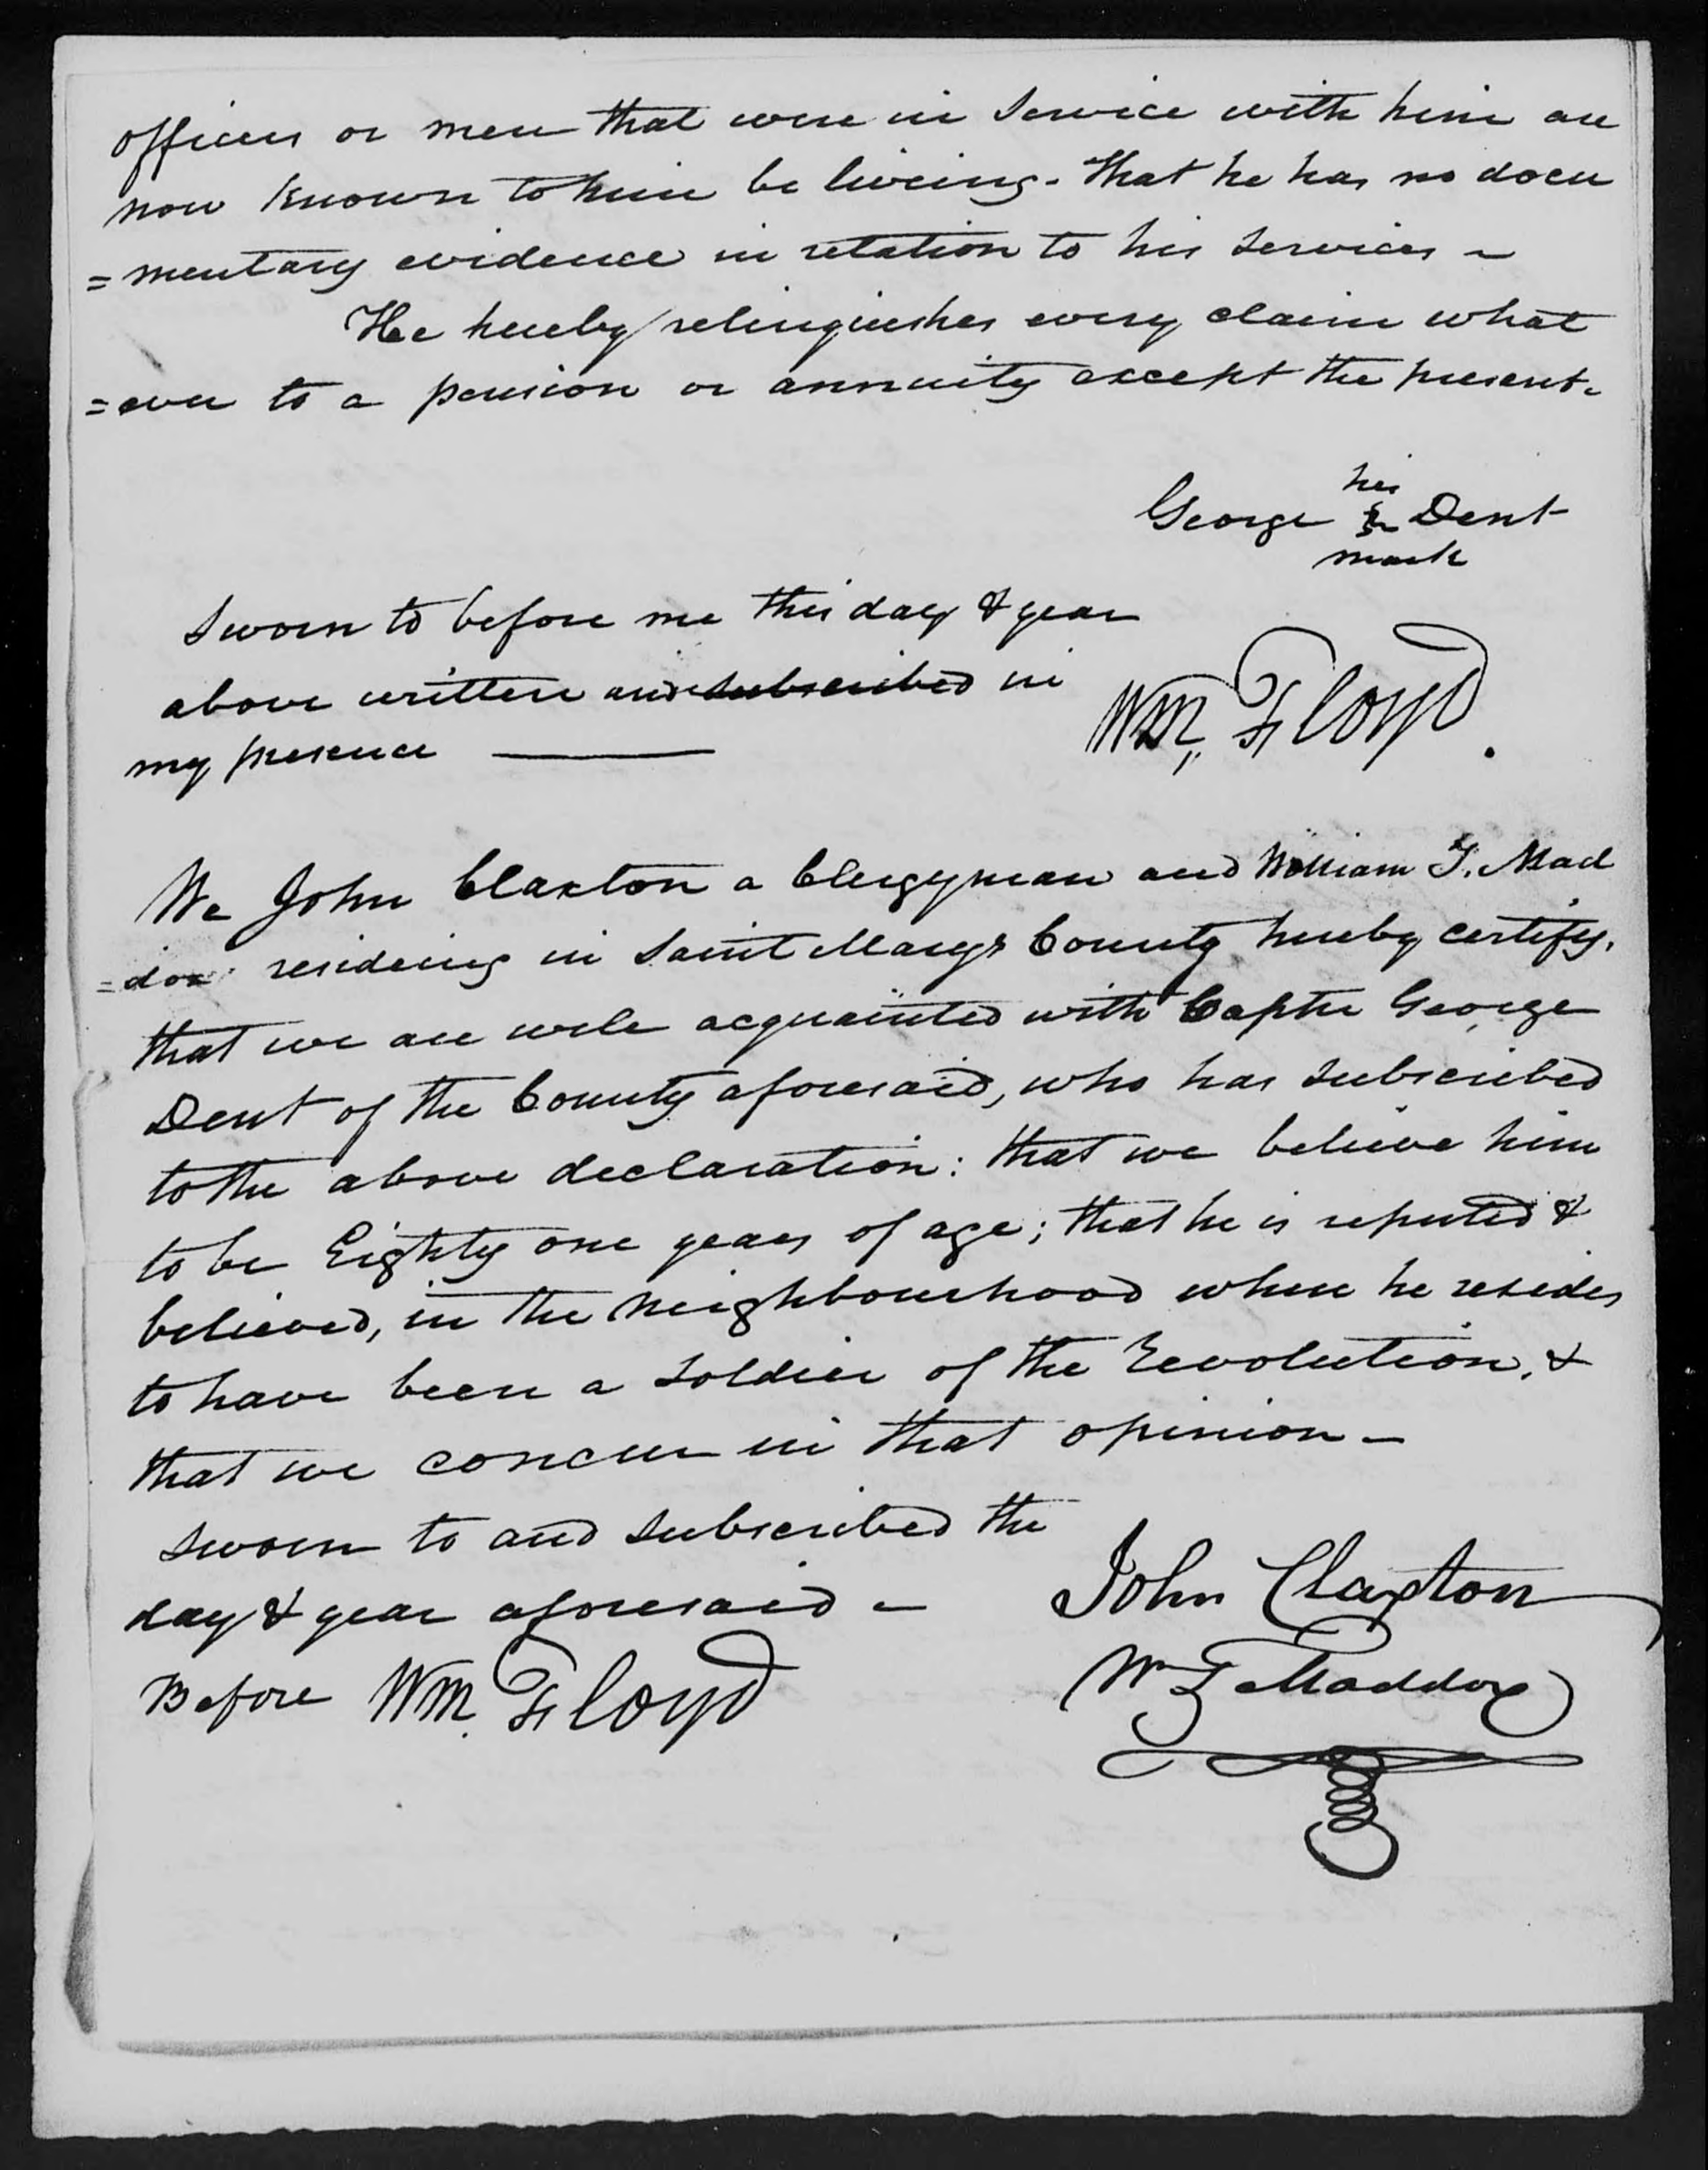officers or men that were in service with him are now known to him be liveing- that he has no documentary evidence in relation to his services -
He hereby relinquishes every claim whatever to a pension or annuity except the present. 
his
George X Dent
mark
Sworn to before me this day & year above written and subscribed in my presence - 
Wm. Floyd.

We John Claxton a Clergyman and William F. Maddox residing in Saint Marys County hereby certify, that we are well acquainted with Captn George Dent of the County aforesaid, who has subscribed to the above declaration: that we believe him to be Eighty one years of age; that he is respected & believed, in the neighbourhood where he resides to have been a soldier of the Revolution. & that we concur in that opinion - 
sworn to and subscribed the day & year aforesaid - Before Wm. Floyd
John Claxton
W F Maddox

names: Wm Floyd, John Claxton, John Claxton, George Dent, Wm Floyd, W S Maddox, George Dent, William T Maddox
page: 4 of 49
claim: survivor's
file: S. 12755, George Dent, Md.